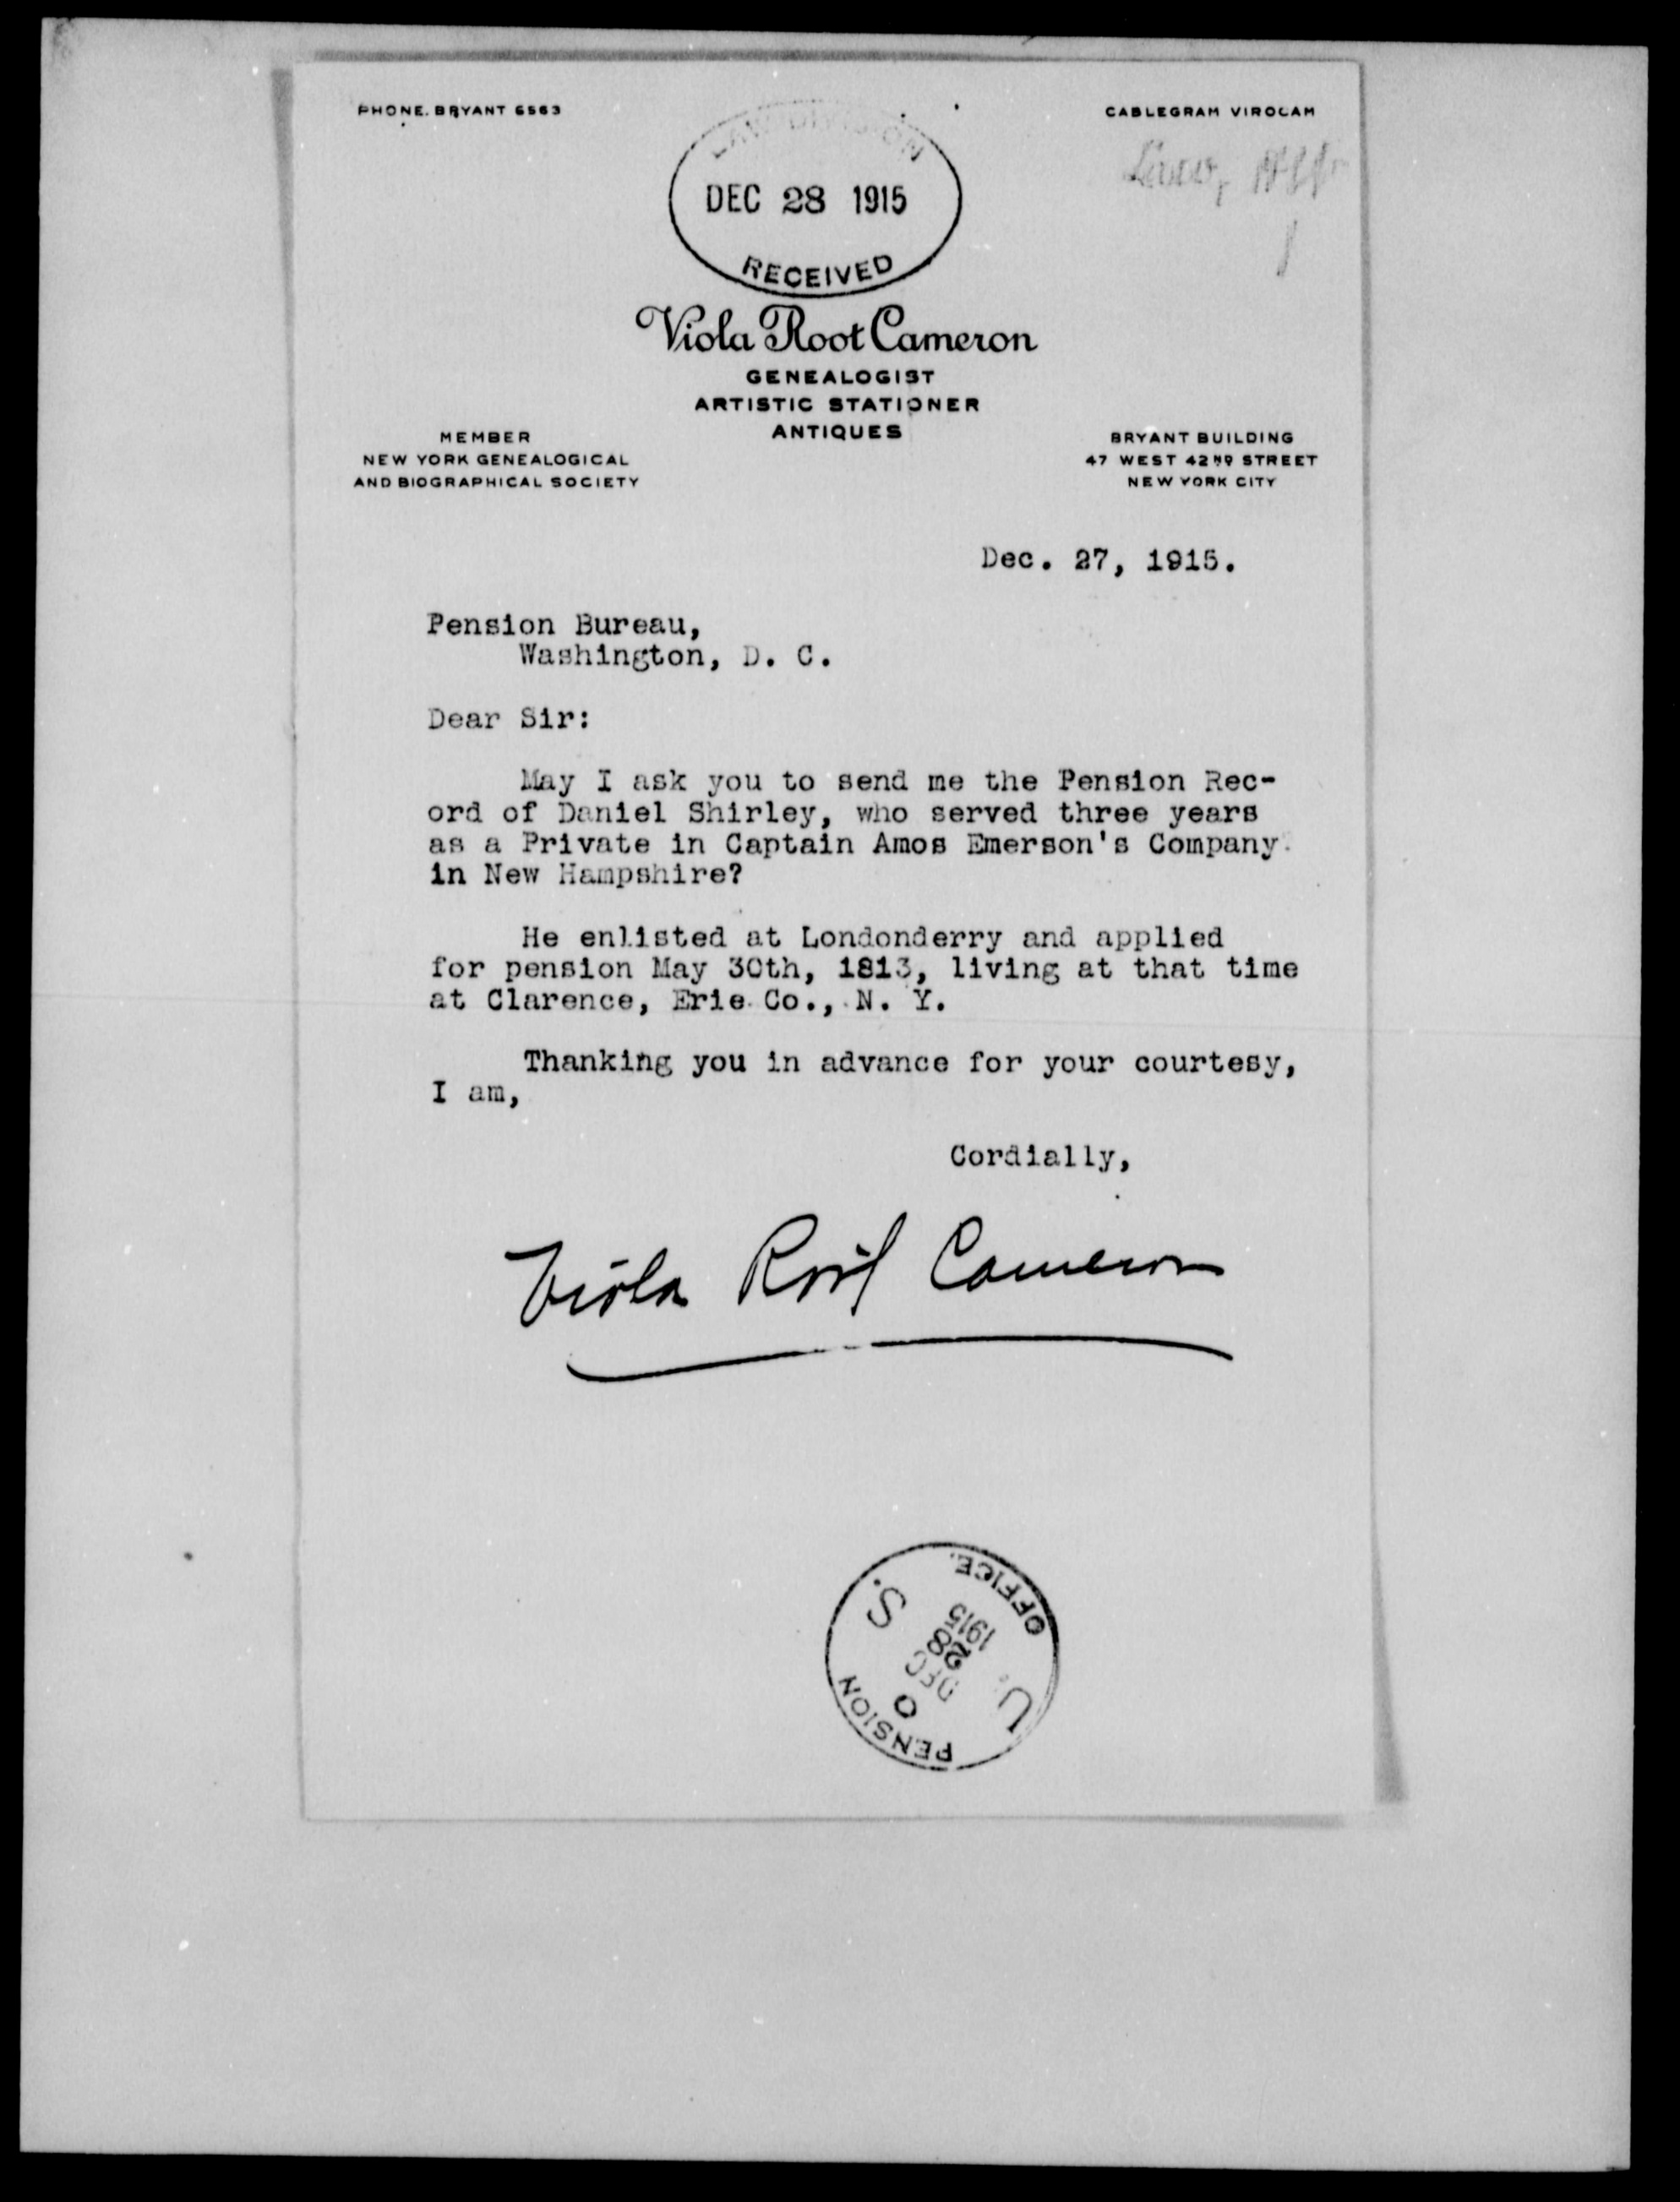[upper left corner of page]
PHONE BRYANT 6563

[upper right corner of page]
CABLEGRAM  VIROCAM

[stamp, center at top of page]
LAW DIVISION
DEC 28 1915
RECEIVED

[letterhead--center of page]
Viola Root Cameron
GENEALOGIST
ARTISTIC STATIONER
ANTIQUES

[letterhead--left side of page]
MEMBER
NEW YORK GENEALOGICAL
AND BIOGRAPHICAL SOCIETY

[letterhead--right side of page]
BRYANT BUILDING
47 WEST 42nd STREET
NEW YORK CITY

Dec. 27, 1915.

Pension Bureau,
Washington, D. C.

Dear Sir:

May I ask you to send me the Pension Record of Daniel Shirley, who served three years as a Private in Captain Amos Emerson's Company in New Hampshire?

He enlisted at Londonderry and applied for pension May 30th, 1813, living at that time at Clarence, Erie Co., N. Y.

Thanking you in advance for your courtesy, I am,

Cordially,
Viola Root Cameron

[stamp]
U.S. PENSION
O
DEC
28
1915
OFFICE.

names: Viola Root Cameron; Viola Root Cameron; Daniel Shirley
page: 18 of 20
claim: survivor's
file: S. 40412, for Daniel Shirley, New Hampshire